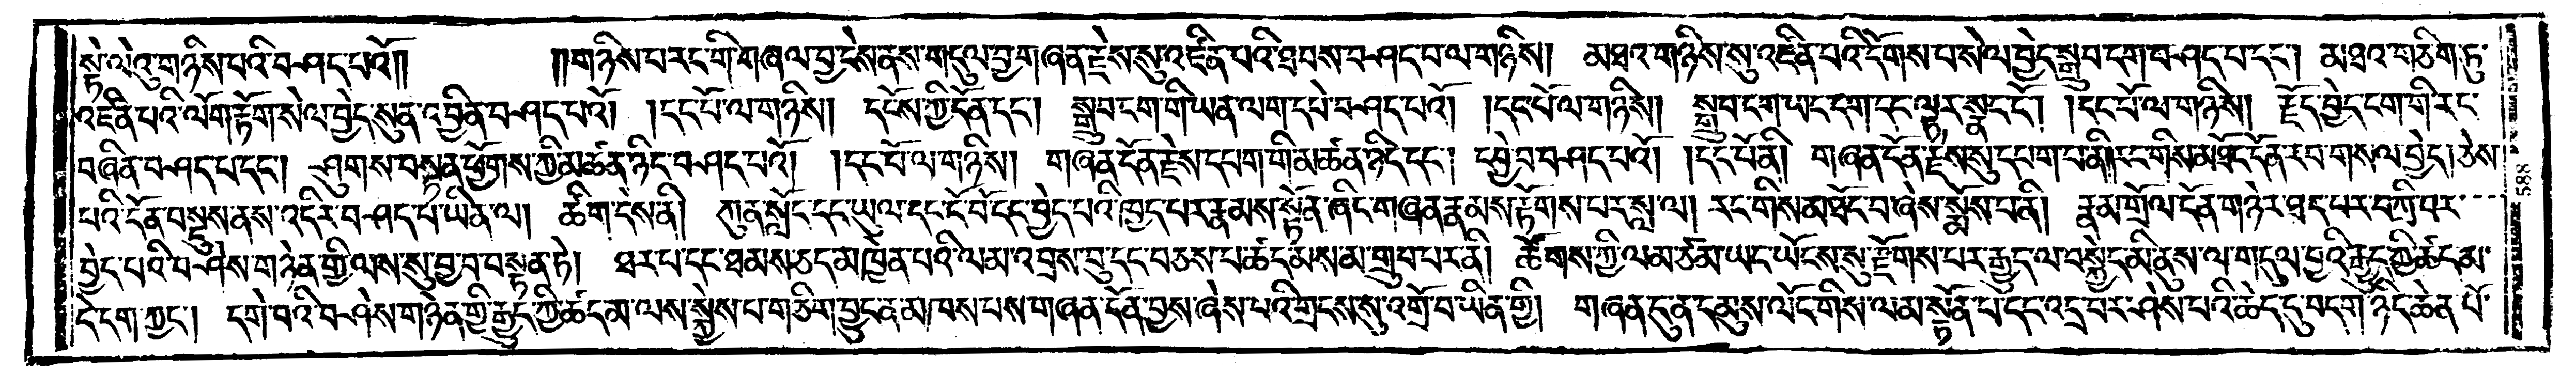སྟེ་ལེའུ་གཉིས་པའི་བཤད་པའོ།། །།གཉིས་པ་རང་གི་གཞལ་བྱ་ངེས་ནས་གདུལ་བྱ་གཞན་རྗེས་སུ་འཛིན་པའི་ཐབས་བཤད་པ་ལ་གཉིས། མཐའ་གཉིས་སུ་འཛིན་པའི་དོགས་པ་སེལ་བྱེད་སྒྲུབ་དག་བཤད་པ་དང་། མཐའ་གཅིག་ཏུ་
འཛིན་པའི་ལོག་རྟོག་སེལ་བྱེད་སུན་འབྱིན་བཤད་པའོ། །དང་པོ་ལ་གཉིས། དངོས་ཀྱི་དོན་དང་། སྒྲུབ་དག་གི་ཡན་ལག་དཔེ་བཤད་པའོ། །དང་པོ་ལ་གཉིས། སྒྲུབ་དག་ཡང་དག་དང་ལྟར་སྣང་ངོ། །དང་པོ་ལ་གཉིས། རྗོད་བྱེད་ངག་གི་རང་
བཞིན་བཤད་པ་དང་། ཤུགས་བསྟན་ཕྱོགས་ཀྱི་མཚན་ཉིད་བཤད་པའོ། །དང་པོ་ལ་གཉིས། གཞན་དོན་རྗེས་དཔག་གི་མཚན་ཉིད་དང་། དབྱེ་བ་བཤད་པའོ། །དང་པོ་ནི། གཞན་དོན་རྗེས་སུ་དཔག་པ་ནི། རང་གིས་མཐོང་དོན་རབ་གསལ་བྱེད། ཅེས་
པའི་དོན་བསྡུས་ནས་འདིར་བཤད་པ་ཡིན་ལ། ཚིག་དེས་ནི། ཀུན་སློང་དང་ཡུལ་དང་ངོ་བོ་དང་བྱེད་པའི་ཁྱད་པར་རྣམས་སྟོན་ཞིང་གཞན་རྣམས་རྟོགས་པར་སླ་ལ། རང་གིས་མཐོང་བ་ཞེས་སྨོས་པ་ནི། རྣམ་གྲོལ་དོན་གཉེར་ཐད་པར་བཀྲི་བར་
བྱེད་པའི་བཤེས་གཉེན་གྱི་ལས་སུ་བྱ་བ་བསྟན་ཏེ། ཐར་པ་དང་ཐམས་ཅད་མཁྱེན་པའི་ལམ་འབྲས་བུ་དང་བཅས་པ་ཚད་མས་མ་གྲུབ་པར་ནི། ཚོགས་ཀྱི་ལམ་ཙམ་ཡང་ཡོངས་སུ་རྫོགས་པར་རྒྱུད་ལ་བསྐྱེད་མི་ནུས་ལ་གདུལ་བྱའི་རྒྱུད་ཀྱི་ཚད་མ་
དེ་དག་ཀྱང་། དགེ་བའི་བཤེས་གཉེན་གྱི་རྒྱུད་ཀྱི་ཚད་མ་ལས་སྐྱེས་པ་གཅིག་བྱུང་ན་མཁས་པས་གཞན་དོན་བྱས་ཞེས་པའི་གྲངས་སུ་འགྲོ་བ་ཡིན་གྱི། གཞན་དུ་ན་དམུས་ལོང་གིས་ལམ་སྟོན་པ་དང་འདྲ་བར་ཤེས་པའི་ཆེད་དུ་བདག་ཉིད་ཆེན་པོ་